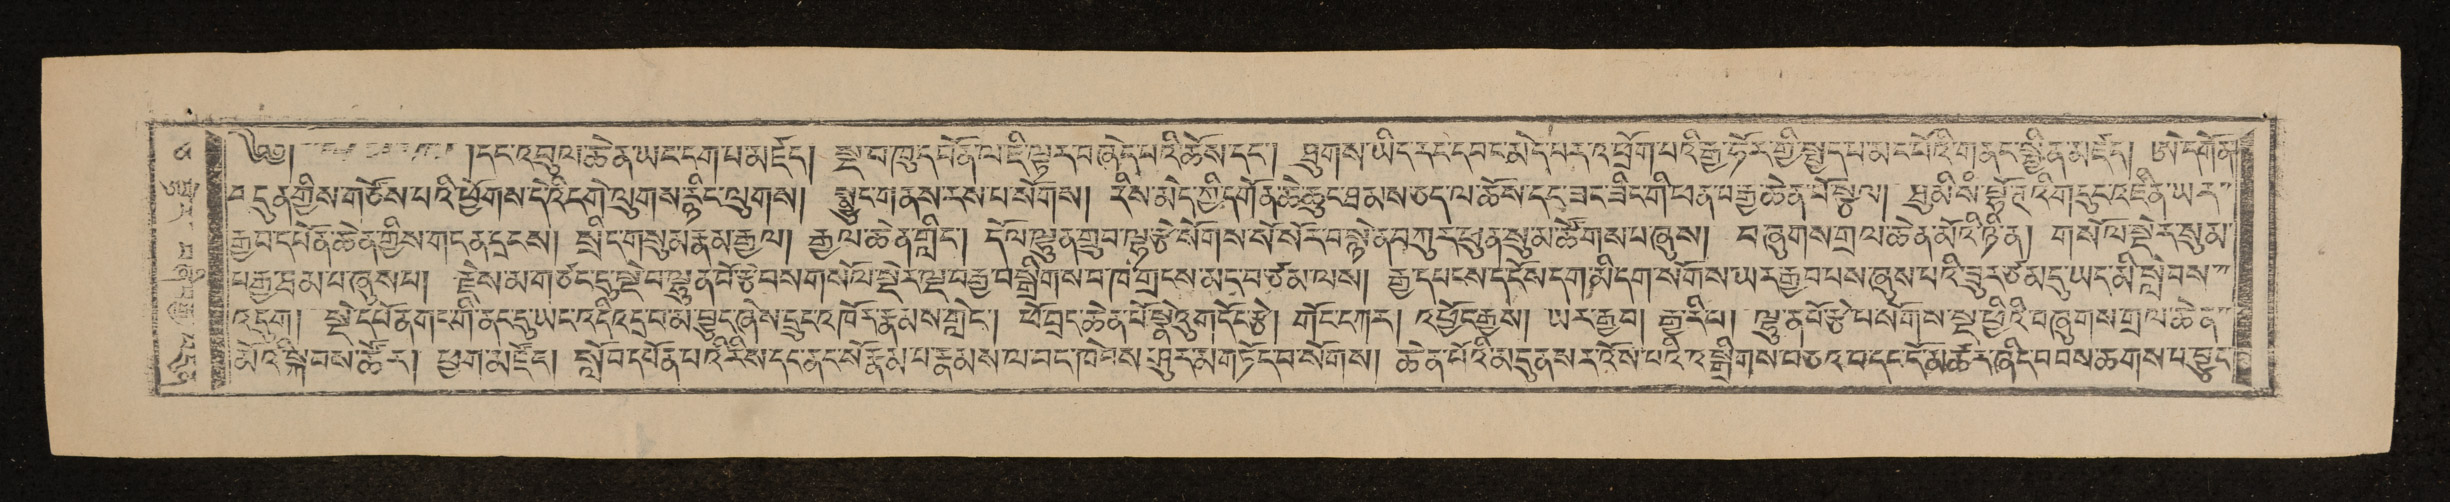༄༅། །དང་འབུལ་ཆེན་ཡང་དག་པ་མཛད། སྔ་བ་ཁུད་བོན་ལ་ཇི་ལྟར་བཞེད་པའི་ཆོས་དང་། ཐུགས་ཡིད་རང་དབང་མེད་པར་འཕྲོག་པའི་རྒྱ་ཧོར་གྱི་སྤྱད་པ་མང་པོའི་གནང་སྦྱིན་མཛད། ཨེ་དགོན་
བདུན་གྱིས་གཙོས་པའི་ཕྱོགས་དེའི་དགེ་ལུགས་རྙིང་ལུགས། སྨྱུང་གནས་རས་པ་སོགས། རིས་མེད་ཀྱི་དགོན་ཆེ་ཆུང་ཐམས་ཅད་ལ་ཆོས་དང་ཟང་ཟིང་གི་ཕན་བརྒྱ་ཆེན་པོ་སྩལ། ཐུ་མི་སཾ་བྷོ་ཊའི་གདུང་འཛིན་ཡར་
རྒྱབ་དཔོན་ཆེན་གྱིས་གདན་དྲངས། སྲིད་གསུམ་རྣམ་རྒྱལ། རྒྱལ་ཆེན་གླིང་། དོ་ལ་ལྷུན་གྲུབ་ལྷ་རྩེ་སོགས་སོ་སོར་བསྙེན་བཀུར་ཕུན་སུམ་ཚོགས་བ་ཞུས། བཞུགས་གྲལ་ཆེན་མོའི་ཉིན། གསོལ་སྡེར་སུམ་
བརྒྱ་ཐམ་པ་ཞུས་པ། རྗེས་མ་གཙང་དུ་སྡེ་པ་ལྷུན་པོ་རྩེ་པས་གསོལ་སྡེར་ལྔ་བརྒྱ་བསྒྲིགས་པ་ཁ་གྲངས་མང་བ་ཙམ་ལས། རྒྱ་དཔངས་དངོས་དག་མི་དག་སོགས་ཡར་རྒྱབ་པས་ཞུས་པའི་ཟུར་ཙམ་དུ་ཡང་མི་སླེབས་
འདུག། སྡེ་དཔོན་གང་གི་ནང་དུ་ཡང་འདི་འདྲ་བ་མ་བྱུང་ཞེས་དྲུང་འཁོར་རྣམས་གླེང་། ཕོ་བྲང་ཆེན་པོ་སྣེའུ་གདོང་རྩེ། གོང་དཀར། འཕྱོང་རྒྱས། ཡར་རྒྱབ། རྒྱ་རི་བ། ལྷུན་པོ་རྩེ་བ་སོགས་སྔ་ཕྱིའི་བཞུགས་གྲལ་ཆེན་
མོའི་སྐབས་ཚོར། ཕྱག་མཛོད། སློབ་དཔོན་པའི་རིས་དང་ནང་སོ་རྣམ་པ་རྣམས་ལ་བང་ཁེབས་ཤུར་མ་གཏོང་བ་སོགས། ཆེན་པོའི་མདུན་སར་འོས་པའི་བསྒྲིགས་བཅའ་བ་དང་ངོ་མཚར་ཞིང་བབས་ཆགས་པ་བྱུང་